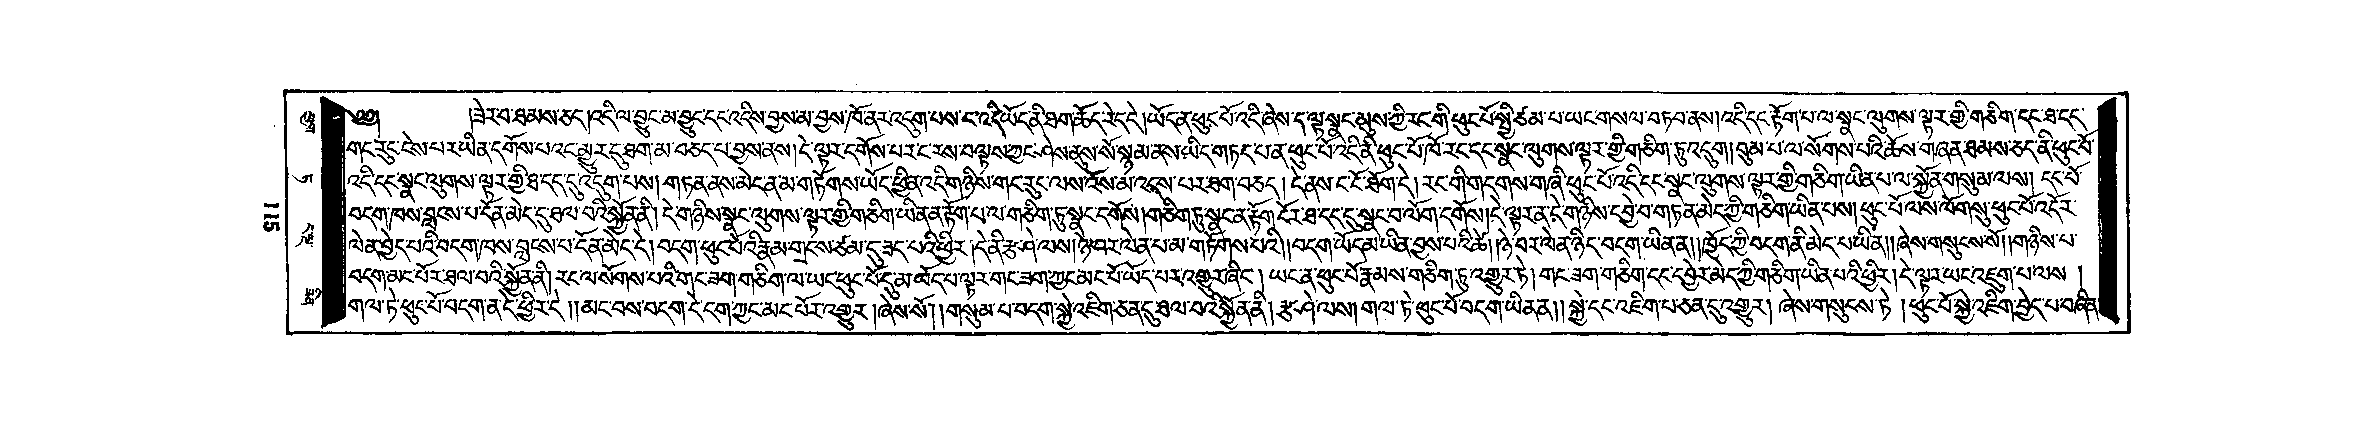༄༅། །ཟེར་བ་ཐམས་ཅད། འདི་ལ་བྱུང་མ་བྱུང་དང་འདིས་བྱས་མ་བྱས་ཁོ་ནར་འདུག་པས་ང་འདི་ཡོད་ནི་ཐག་ཆོད་རེད་དེ། ཡོད་ན་ཕུང་པོ་འདི་ཞེས་ད་ལྟ་སྣང་མུས་ཀྱི་རང་གི་ཕུང་པོ་སྤྱི་ཙམ་པ་ཡང་གསལ་བཏབ་ནས། འདི་དང་རྟོག་པ་ལ་སྣང་ལུགས་ལྟར་གྱི་གཅིག་དང་ཐ་དད་
གང་རུང་ངེས་པར་ཡིན་དགོས་པའང་མྱུར་དུ་ཐག་མ་བཅད་པ་བྱས་ནས། དེ་ལྟར་དགོས་པར་ང་རས་བལྟས་ཀྱང་ཤེས་ནུས་སོ་སྙམ་ནས་ཡིད་གཏད་པ་ན་ཕུང་པོ་འདི་ནི་ཕུང་པོ་ཁོ་རང་དང་སྣང་ལུགས་ལྟར་གྱི་གཅིག་ཏུ་འདུག །བུམ་པ་ལ་སོགས་པའི་ཆོས་གཞན་ཐམས་ཅད་ནི་ཕུང་པོ་
འདི་དང་སྣང་ལུགས་ལྟར་གྱི་ཐ་དད་དུ་འདུག་པས། གཏན་ནས་མེད་ན་མ་གཏོགས་ཡོད་ཕྱིན་འདི་གཉིས་གང་རུང་ལས་འོས་མ་འདས་པར་ཐག་བཅད། དེ་ནས་ང་ངོ་ཐོག་དེ། རང་གི་གདགས་གཞི་ཕུང་པོ་འདི་དང་སྣང་ལུགས་ལྟར་གྱི་གཅིག་ཡིན་པ་ལ་སྐྱོན་གསུམ་ལས། དང་པོ་
བདག་ཁས་བླངས་པ་དོན་མེད་དུ་ཐལ་བའི་སྐྱོན་ནི། དེ་གཉིས་སྣང་ལུགས་ལྟར་གྱི་གཅིག་ཡིན་ན་རྟོག་པ་ལ་གཅིག་ཏུ་སྣང་དགོས། གཅིག་ཏུ་སྣང་ན་རྟོག་ངོར་ཐ་དད་དུ་སྣང་བ་ལོག་དགོས། དེ་ལྟར་ན་དེ་གཉིས་དབྱེ་བ་གཏན་མེད་ཀྱི་གཅིག་ཡིན་པས། ཕུང་པོ་ལས་ལོགས་སུ་ཕུང་པོ་འདོར་
ལེན་བྱེད་པའི་བདག་ཁས་བླངས་པ་དོན་མེད་དེ། བདག་ཕུང་པོའི་རྣམ་གྲངས་ཙམ་དུ་ཟད་པའི་ཕྱིར། དེ་ནི་རྩ་ཤེ་ལས། ཉེ་བར་ལེན་པ་མ་གཏོགས་པའི། །བདག་ཡོད་མ་ཡིན་བྱས་པའི་ཚེ། །ཉེ་བར་ལེན་ཉིད་བདག་ཡིན་ན། །ཁྱོད་ཀྱི་བདག་ནི་མེད་པ་ཡིན། །ཞེས་གསུངས་སོ། །གཉིས་པ་
བདག་མང་པོར་ཐལ་བའི་སྐྱོན་ནི། རང་ལ་སོགས་པའི་གང་ཟག་གཅིག་ལ་ཡང་ཕུང་པོ་དུ་མ་ཡོད་པ་ལྟར་གང་ཟག་ཀྱང་མང་པོ་ཡོད་པར་འགྱུར་ཞིང་། ཡང་ན་ཕུང་པོ་རྣམས་གཅིག་ཏུ་འགྱུར་ཏེ། གང་ཟག་གཅིག་དང་དབྱེར་མེད་ཀྱི་གཅིག་ཡིན་པའི་ཕྱིར། དེ་ལྟར་ཡང་འཇུག་པ་ལས།
གལ་ཏེ་ཕུང་པོ་བདག་ན་དེ་ཕྱིར་དེ། །མང་བས་བདག་དེ་དག་ཀྱང་མང་པོར་འགྱུར། ཞེས་སོ། །གསུམ་པ་བདག་སྐྱེ་འཇིག་ཅན་དུ་ཐལ་བའི་སྐྱོན་ནི། རྩ་ཤེ་ལས། གལ་ཏེ་ཕུང་པོ་བདག་ཡིན་ན། །སྐྱེ་དང་འཇིག་པ་ཅན་དུ་འགྱུར། ཞེས་གསུངས་ཏེ། ཕུང་པོ་སྐྱེ་འཇིག་བྱེད་པ་བཞིན་